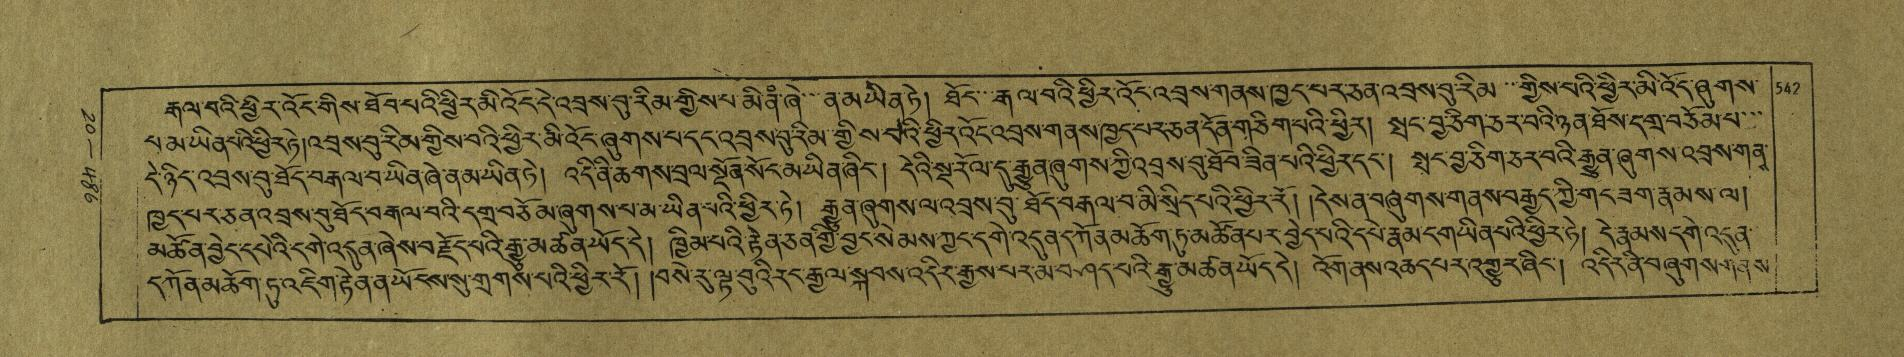རྒལ་བའི་ཕྱིར་འོང་གིས་ཐོབ་པའི་ཕྱིར་མི་འོང་དེ་འབྲས་བུ་རིམ་གྱིས་པ་མི་ནཾ་ཞེ་ན་མ་ཡིན་ཏེ། ཐོང་རྒལ་བའི་ཕྱིར་འོང་འབྲས་གནས་ཁྱད་པར་ཅན་འབྲས་བུ་རིམ་གྱིས་པའི་ཕྱིར་མི་འོད་ཞུགས་
པ་མ་ཡིན་པའི་ཕྱིར་ཏེ། འབྲས་བུ་རིམ་གྱིས་བའི་ཕྱིར་མི་འོང་ཞུགས་པ་དང་འབྲས་བུ་རིམ་གྱིས་བའི་ཕྱིར་འོང་འབྲས་གནས་ཁྱད་པར་ཅན་དོན་གཅིག་པའི་ཕྱིར། སྤང་བྱ་ཅིག་ཅར་བའི་ཉན་ཐོས་དགྲ་བཅོམ་པ་
དེ་ཉིད་འབྲས་བུ་ཐོད་བརྒལ་བ་ཡིན་ཞེ་ན་མ་ཡིན་ཏེ། འདི་ནི་ཆགས་བྲལ་སྔོན་སོང་མ་ཡིན་ཞིང་། དེའི་སྔ་རོལ་དུ་རྒྱུན་ཞུགས་ཀྱི་འབྲས་བུ་ཐོབ་ཟིན་པའི་ཕྱིར་དང་། སྤང་བྱ་ཅིག་ཅར་བའི་རྒྱུན་ཞུགས་འབྲས་གནས་
ཁྱད་པར་ཅན་འབྲས་བུ་ཐོད་བརྒལ་བའི་དགྲ་བཅོམ་ཞུགས་པ་མ་ཡིན་པའི་ཕྱིར་ཏེ། རྒྱུན་ཞུགས་ལ་འབྲས་བུ་ཐོད་བརྒལ་བ་མི་སྲིད་པའི་ཕྱིར་རོ། །དེས་ན་བཞུགས་གནས་བརྒྱད་ཀྱི་གང་ཟག་རྣམས་ལ།
མཚོན་བྱེད་དཔེའི་དགེ་འདུན་ཞེས་བརྗོད་པའི་རྒྱུ་མཚན་ཡོད་དེ། ཁྱིམ་པའི་རྟེན་ཅན་གྱི་བྱང་སེམས་ཀྱང་དགེ་འདུན་དཀོན་མཆོག་ཏུ་མཚོན་པར་བྱེད་པའི་དཔེ་རྣམ་དག་ཡིན་པའི་ཕྱིར་ཏེ། དེ་རྣམས་དགེ་འདུན་
དཀོན་མཆོག་ཏུ་འཇིག་རྟེན་ན་ཡོངས་སུ་གྲགས་པའི་ཕྱིར་རོ། །བསེ་རུ་ལྟ་བུའི་རང་རྒྱལ་སྐབས་འདིར་རྒྱས་པར་མ་བཤད་པའི་རྒྱུ་མཚན་ཡོད་དེ། འོག་ནས་འཆད་པར་འགྱུར་ཞིང་། འདིར་ནི་བཞུགས་གནས་